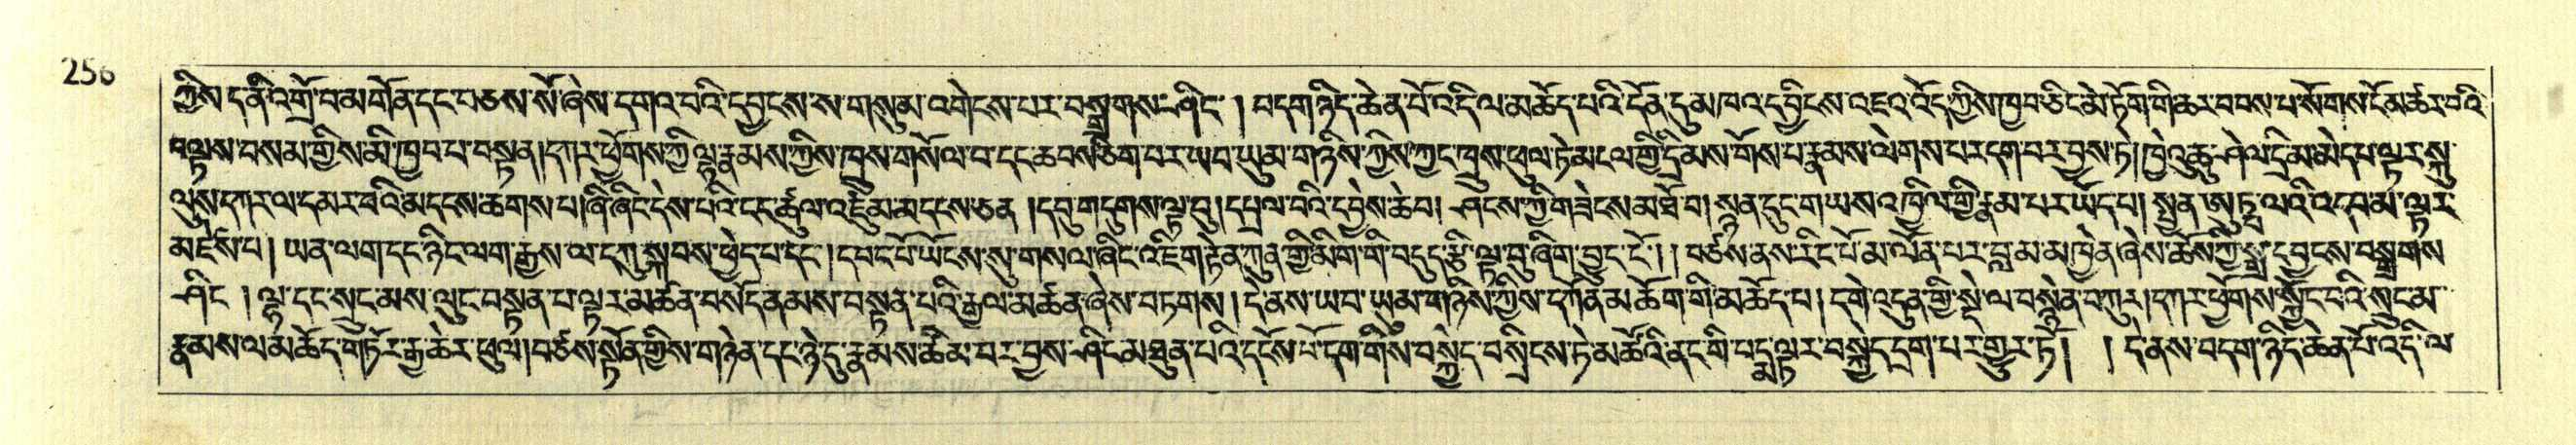ཀྱིས་ད་ནི་འགྲོ་བ་མགོན་དང་བཅས་སོ་ཞེས་དགའ་བའི་དབྱངས་ས་གསུམ་འགེངས་པར་བསྒྲགས་ཤིང་། བདག་ཉིད་ཆེན་པོ་འདི་ལ་མཆོད་པའི་དོན་དུ་མཁའ་དབྱིངས་འཇའ་འོད་ཀྱིས་ཁྱབ་ཅིང་མེ་ཏོག་གི་ཆར་བབས་པ་སོགས་ངོ་མཚར་བའི་
བལྟས་བསམ་གྱིས་མི་ཁྱབ་པ་བསྟན། དཀར་ཕྱོགས་ཀྱི་ལྷ་རྣམས་ཀྱིས་ཁྲུས་གསོལ་བ་དང་ཆབས་ཅིག་པར་ཡབ་ཡུམ་གཉིས་ཀྱིས་ཀྱང་ཁྲུས་ཕུལ་ཏེ་མངལ་གྱི་དྲི་མས་གོས་པ་རྣམས་ལེགས་པར་དག་པར་བྱས་ཏེ། ཁྱེའུ་ཆུ་ཤེལ་དྲི་མ་མེད་པ་ལྟར་སྐུ་
ལུས་དཀར་ལ་དམར་བའི་མདངས་ཆགས་པ། ཞི་ཞིང་དེས་པའི་ངང་ཚུལ་འཛུམ་མདངས་ཅན་།དབུ་གདུགས་ལྟ་བུ། དཔྲལ་བའི་དབྱེས་ཆེ་བ། ཤངས་ཀྱི་གཟེངས་མཐོ་བ། སྙན་དུང་གཡས་ཨའཁྱིལ་གྱི་རྣམ་པར་ཡོད་པ། སྤྱན་ཨུཏྤ་ལའི་འདབ་མ་ལྟར་
མཛེས་པ། ཡན་ལག་དང་ཉིད་ལག་རྒྱས་ལ་དཀུ་སྐབས་ཕྱེད་པ་དང་། དབང་པོ་ཡོངས་སུ་གསལ་ཞིང་འཇིག་རྟེན་ཀུན་གྱི་མིག་གི་བདུད་རྩི་ལྟ་བུ་ཞིག་བྱུང་ངོ། །བཙས་ནས་རིང་པོ་མ་ལོན་པར་བླ་མ་མཁྱེན་ཞེས་ཆོས་ཀྱི་སྒྲ་དབྱངས་བསྒྲགས་
ཤིང་།ལྷ་དང་སྲུང་མས་ལུང་བསྟན་པ་ལྟར་མཚན་བསོད་ནམས་བསྟན་པའི་རྒྱལ་མཚན་ཞེས་བཏགས། དེ་ནས་ཡབ་ཡུམ་གཉིས་ཀྱིས་དཀོན་མཆོག་གི་མཆོད་པ། དགེ་འདུན་གྱི་སྡེ་ལ་བསྙེན་བཀུར་།དཀར་ཕྱོགས་སྐྱོང་བའི་སྲུང་མ་
རྣམས་ལ་མཆོད་གཏོར་རྒྱ་ཆེར་ཕུལ། བཙས་སྟོན་གྱིས་གཉེན་དང་ཉེ་དུ་རྣམས་ཚིམ་པར་བྱས་ཤིང་མཐུན་པའི་དངོས་པོ་དག་གིས་བསྐྱེད་བསྲིངས་ཏེ་མཚོའི་ནང་གི་པདམ་ལྟར་བསྐྱེད་དྲག་པར་ངྱུར་ཏོ། །དེ་ནས་བདག་ཉིད་ཆེན་པོ་འདི་ལ་